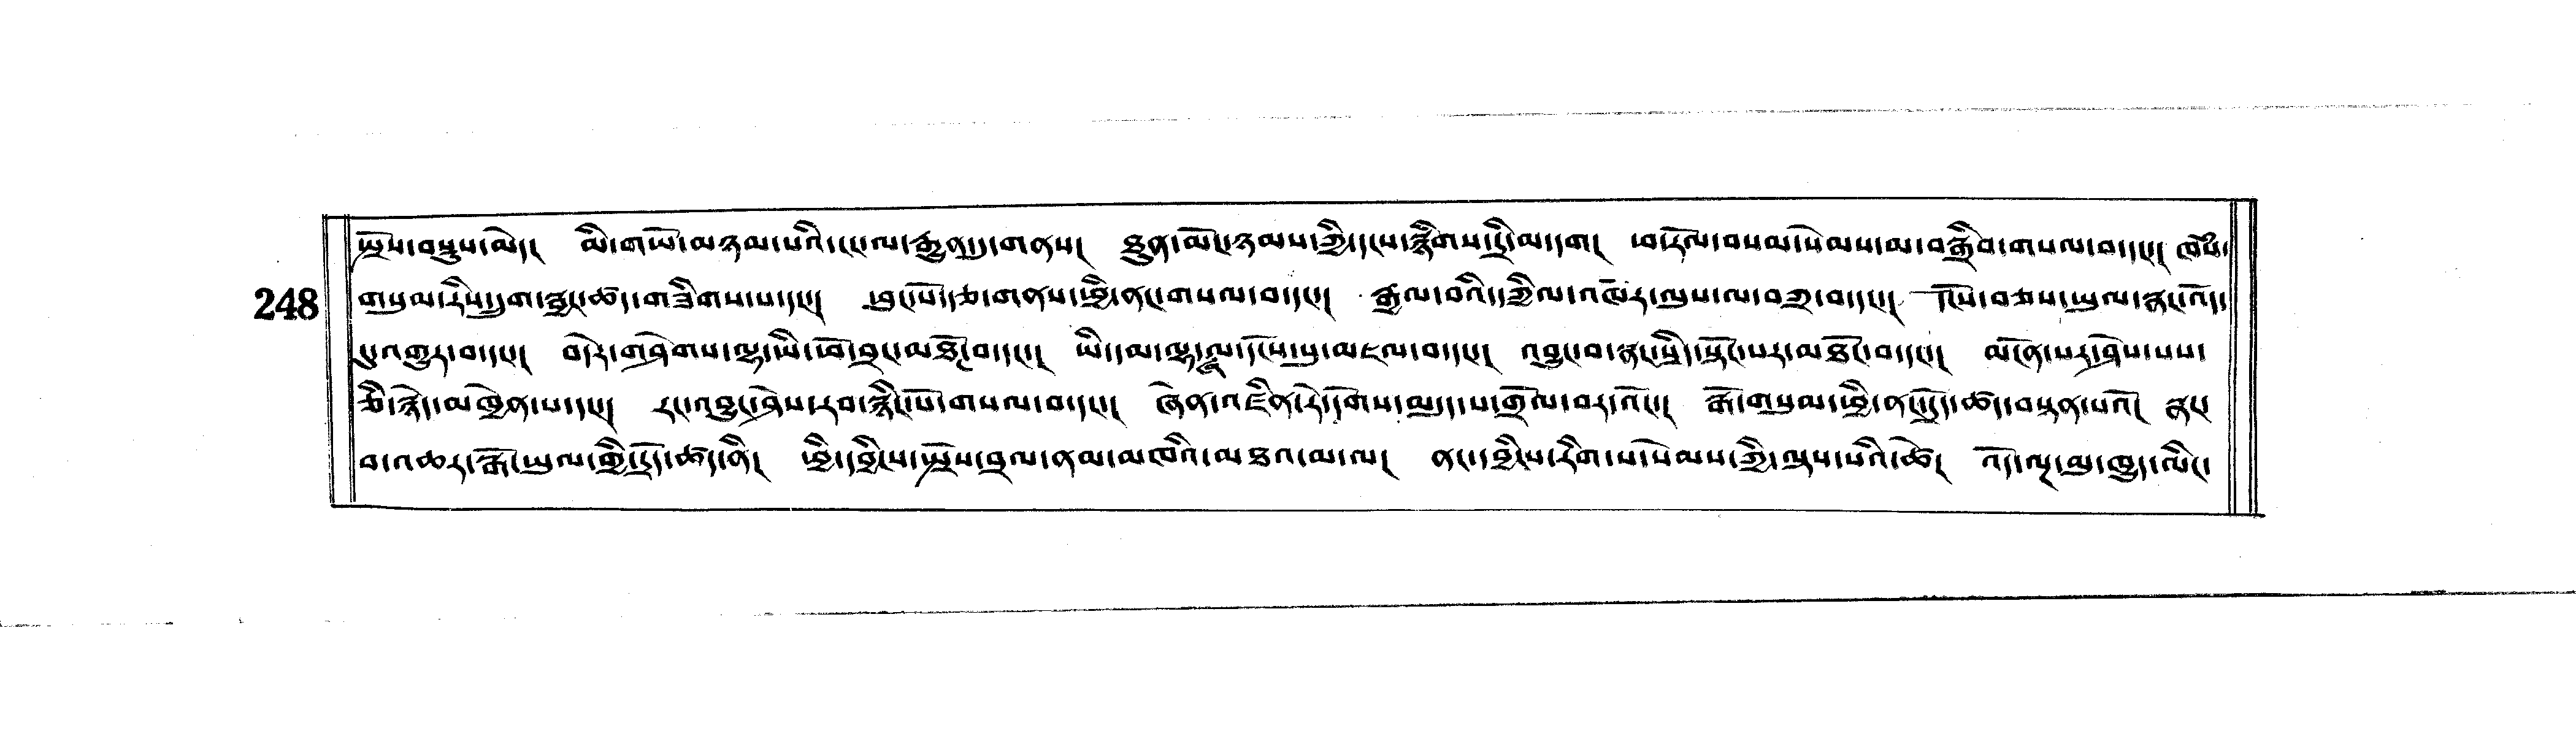སྤྲོ་བསྡུ་མེད། མི་གཡོ་མཉམ་པའི་ངང་ལ་རྒྱུན་དུ་གནས། ཐུན་མོང་ཉམས་ཀྱི་དང་སྙིགས་དྲི་མ་དག ཕ་རོལ་བསམ་སེམས་མ་བསྒྲིབས་གསལ་བ་དང་། ཁམས་
གསུམ་རིགས་དྲུག་སྦྱང་ཚད་གཟིགས་པ་དང་། ཕུང་པོ་རྩ་གནས་ཕྱི་ནང་གསལ་བ་དང་། རྒྱལ་བའི་དཀྱིལ་འཁོར་ལུས་ལ་བཀྲ་བ་དང་། དངོས་བཅས་ཡུལ་སྣང་འོད་
དུ་འགྱུར་བ་དང་། བདེར་གཤེགས་ལྷ་ཡི་ཕོ་བྲང་མཐོང་བ་དང་། ཡི་དམ་ལྷ་ཞལ་དངོས་སུ་མཇལ་བ་དང་། འབྱུང་བ་སྣང་སྲིད་སྟོང་པར་མཐོང་བ་དང་། མངོན་པར་ཤེས་པ་
ཅི་སྙེད་མཁྱེན་པ་དང་། རང་འབྱུང་ཤེས་རབ་སྙིང་པོ་གསལ་བ་དང་། ཞེན་འཛིན་རེ་དྭོགས་མདུད་པ་གྲོལ་བར་འོང་། སྒོ་གསུམ་ཕྱི་ནང་དྲོད་ཚད་བསྟན་པའོ། སྣང་
བ་འཆར་སྒོ་ཡུལ་གྱི་དྲོད་ཚད་ནི། ཕྱི་དབྱིངས་སྤྲོས་བྲལ་ནམ་མཁའི་མཐའ་མ་ལ། ནང་དབྱིངས་རིག་པ་སེམས་ཀྱིས་བལྟས་པའི་ཚེ། འོད་ལྔ་མུ་ཁྱུད་ལིང་